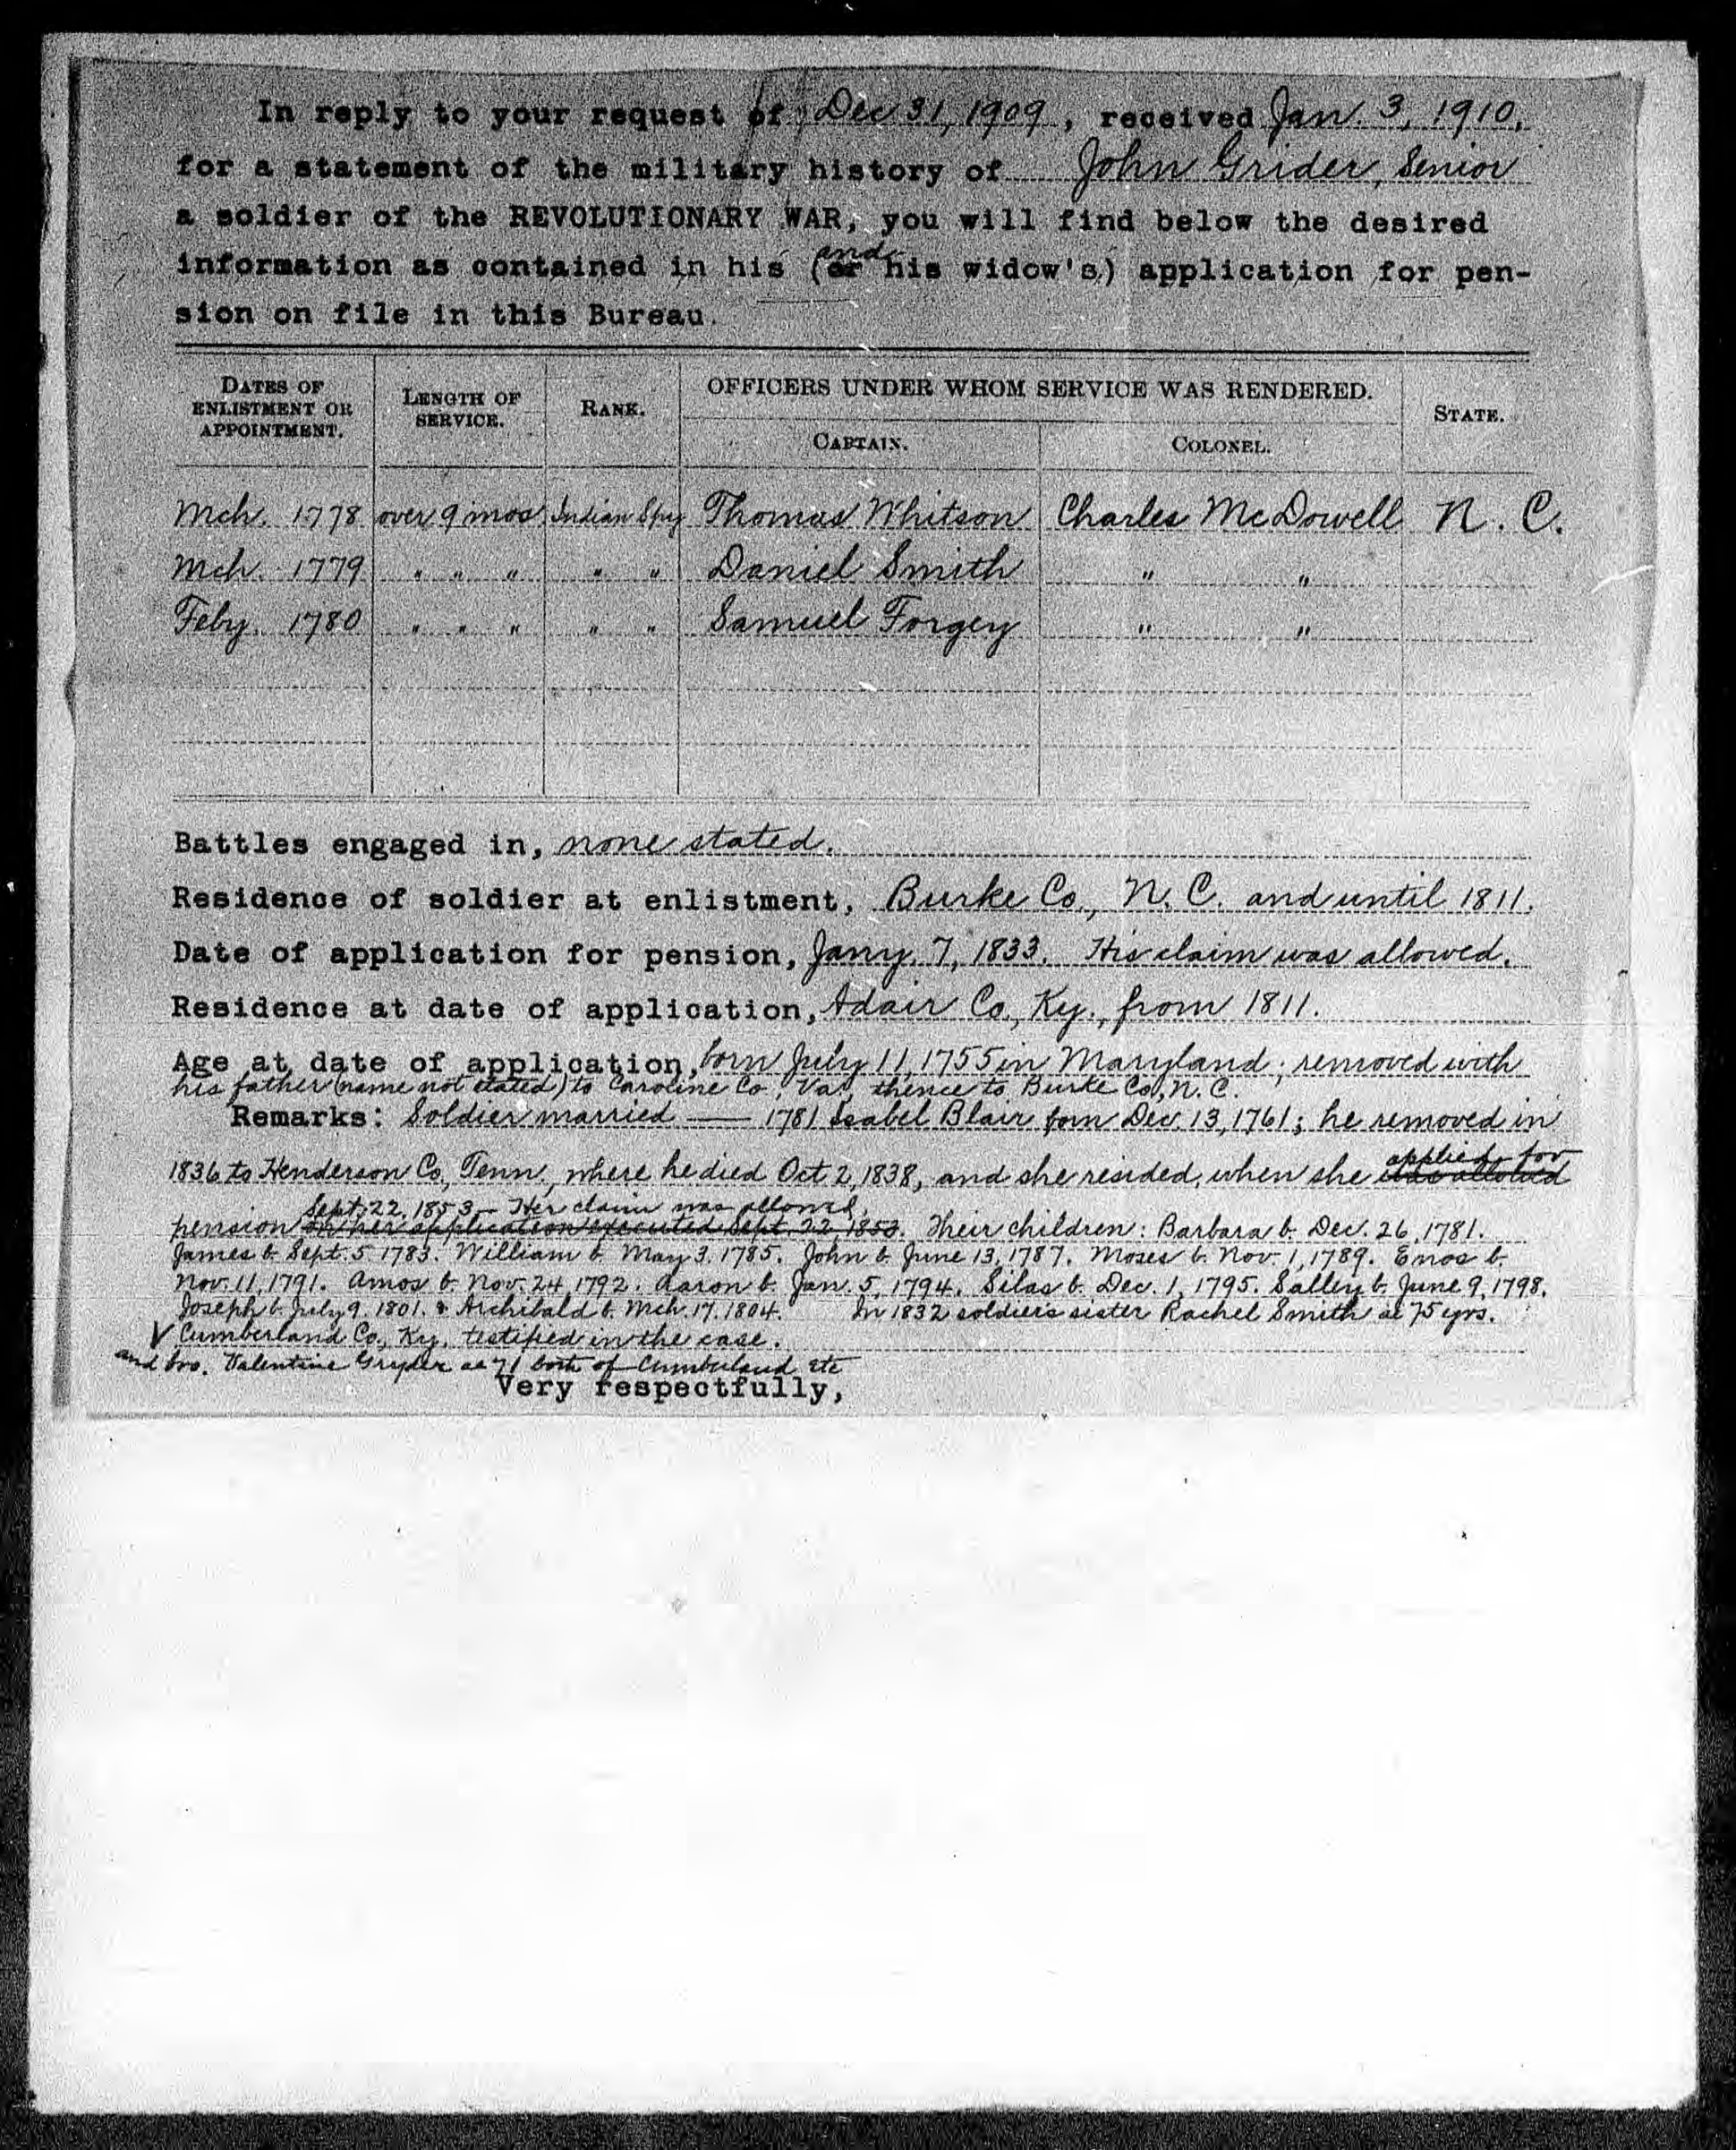In reply to your reqeust of Dec 31, 1909, received Jan 3, 1910 for a statement of the military history of John Grider, Senior a soldier of the Revolutionary War, you will find below the desired information as contained in his (and his widow's) application for pension on file with this Bureau.

[originially in table format]

Dates of enlistment or appointment  Mch 1778      
Length of service : Over 9 mos
Rank; Indian Spy
Officers under whom service was rendered:  Captain Thomas Whitson      Colonel  Charles McDowell
State N. C.

Dates of enlistment or appointment  Mch 1779      
Length of service : Over 9 mos
Rank; Indian Spy
Officers under whom service was rendered:  Captain Daniel Smith    Colonel  Charles McDowell
State N. C.

Dates of enlistment or appointment  Feby 1780      
Length of service : Over 9 mos
Rank; Indian Spy
Officers under whom service was rendered:  Captain Samuel Forgey      Colonel  Charles McDowell
State N. C.

Battles engaged in,  none stated
Residence of soldier at enlistment, Burke Co, NC. and until 1811
Date of application for pension, January 7, 1833, His claim was allowed
Residence at date of application, Adair Co, Ky, from 1811
Age at date of application , born July 11, 1755 in Maryland, removed with his father (name not stated) to Caroline Com Va thence to Burke Co, N.C.
Remarks: Soldier married- 1781 Isabel Blair  born Dec 13, 1761; he removed in 1836 to Henderson Co, Tenn. where he died Oct 2, 1838, and she resided when she applied for pension Sept 22 , 1853- her claim was allowed. [crossed out- on her application executed Sept 22, 1853]. Their children: Barbara  b. Dec 26, 1781 James b Sept 5 1783. William b May 3, 1785. John b June 13, 1787 . Moses b Nov 1, 1789. Enos b Nov 11, 1791. Amos b Nov 24, 1792. Aaron b Jan 5, 1794. Silas b Dec 1, 1795. Salley b June 9, 1798. Joseph b July 9, 1801. and Archibald b Mch 17, 1804     In 1832 soldiers sister Rachel Smith at 75rs. and brother Valentine  Grider at 71 both of Cumberland etcCumberland Co. Ky, testified in the case.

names: Thomas Whitson, Silas, John, Moses, James, Salley, Enos, Amos, Charles Mc Dowell, John Grider, Valentine Gryder, Aaron, Joseph, Rachel Smith, Samuel Forgey, Archibald, Isabel Blair, Daniel Smith, William, Barbara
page: 23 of 91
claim: widow's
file: W 358, John Grider, N.C.